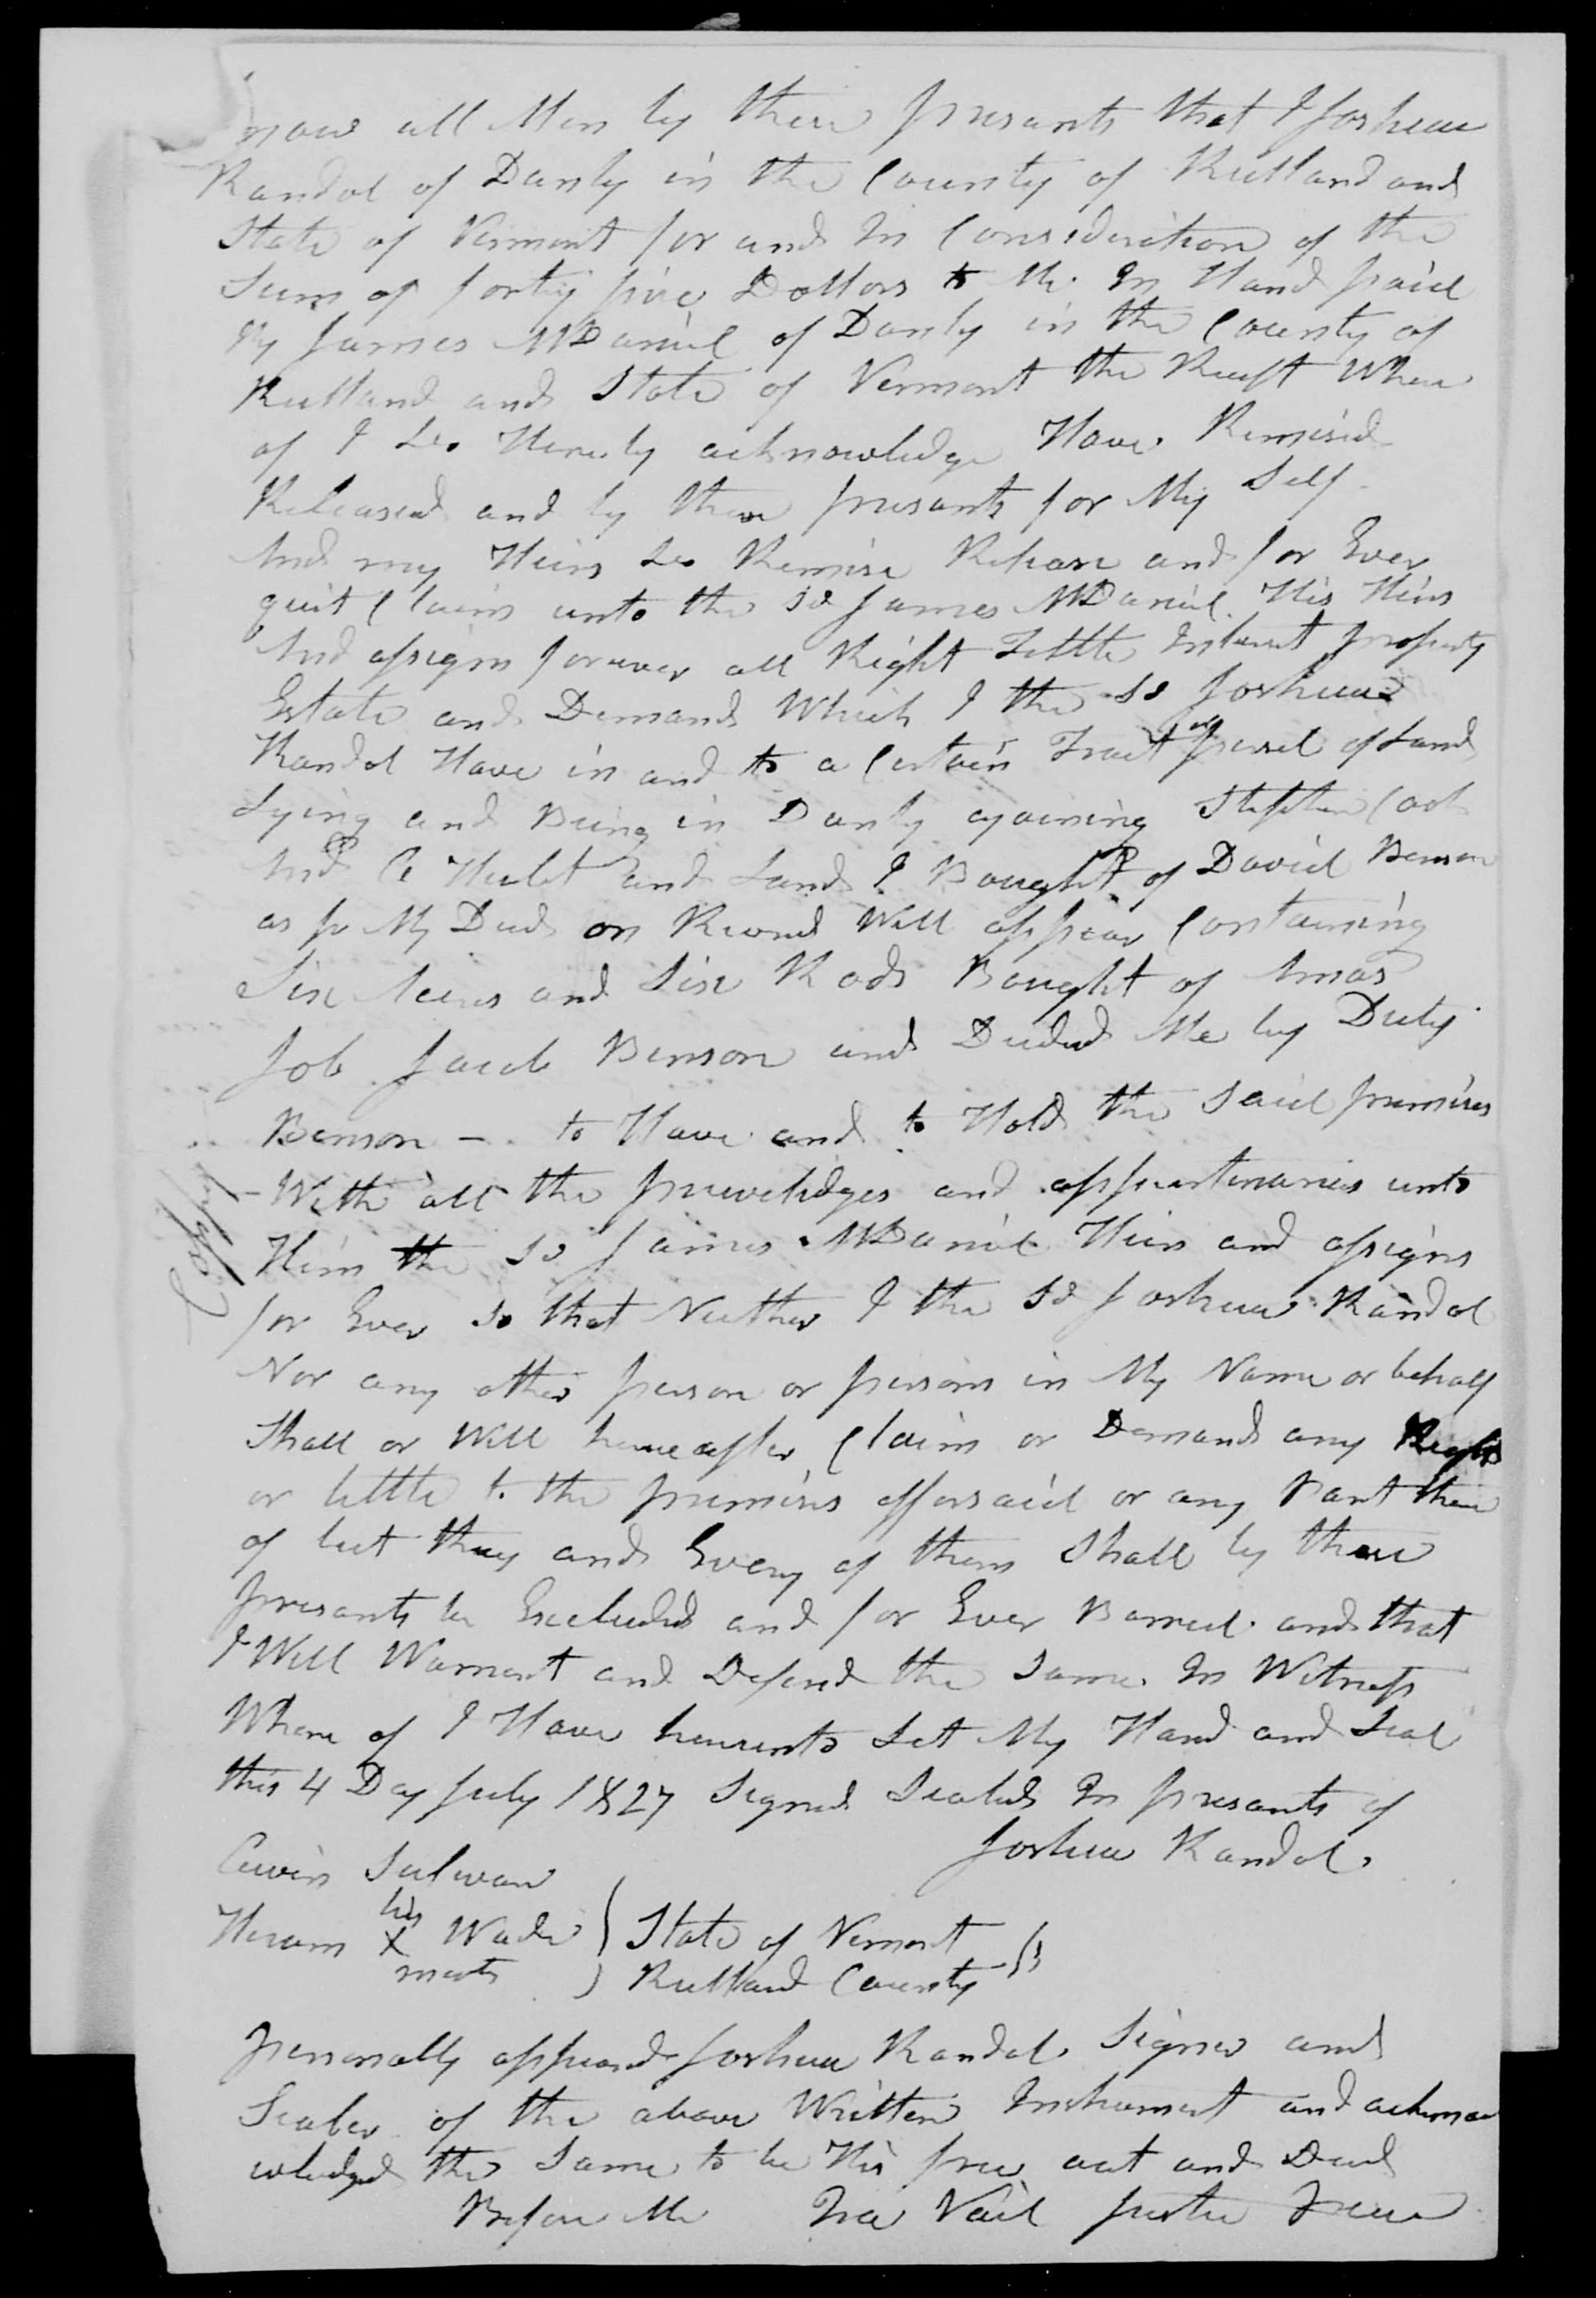6

Know all Men by these presents that Joshua
Randal of Danby in the County of Rutland and
State of Vermont for and in consideration of the
sum of forty five Dollars to the in Hand paid by
James McDaniel of Danby in the County of
Rutland and State of Vermont, the Receipt whereof
 I do hereby acknowledge, Have [remissed]
Released and by these presents for My Self
And my heirs [do?] Remise Release and for Ever
quit claim unto the sd James McDaniel,  His Heirs
and assigns forever all Right, Title, Interest, property,
Estate and Demand which I the sd Joshua
Randal have in and to a certain Tract parcel of Land
lying and being in Danby adjoining Stephen Cook.
And a [??] and Land I bought of David Beman
as to My [Deed] on Record will appear containing
Six Acres and six Rods Bought of Amos
Job. Jacob Benson and Deeded me by Duty
Benson - to have and to Hold the said premises
With all the priviledges and appurtenances unto
Him, the s’d James McDaniel Heirs and assigns
forever so that neither & the sd Joshua Randal
or any other person or persons in my name or behalf
shall or will hereafter claim or demand any Right
or title to the premises aforesaid or any part thereof
but they and every of them shall by these
presents be Excluded and forever Barred. And that
I Will Warrant and Defend the same. In Witness
Whereof I have hereunto set my Hand and seal
this 4 day July 1827. Signed Sealed in presents [presence]
of[Gavin] Sulivan Thomas Wade his mark

Joshua Randal

State of Vermont Rutland County ss
Personally appeared Joshua Randal, Signer and
Sealer of the above written Instrument and acknowledged
 the same to be his free act and Deed.
Before me Ira Vail Justice Peace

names: James Mc Daniel; Joshua Randal; David Benson; Job Jacob Benson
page: 16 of 20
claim: survivor's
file: S. 41,090, for Joshua Randall, Massachusetts